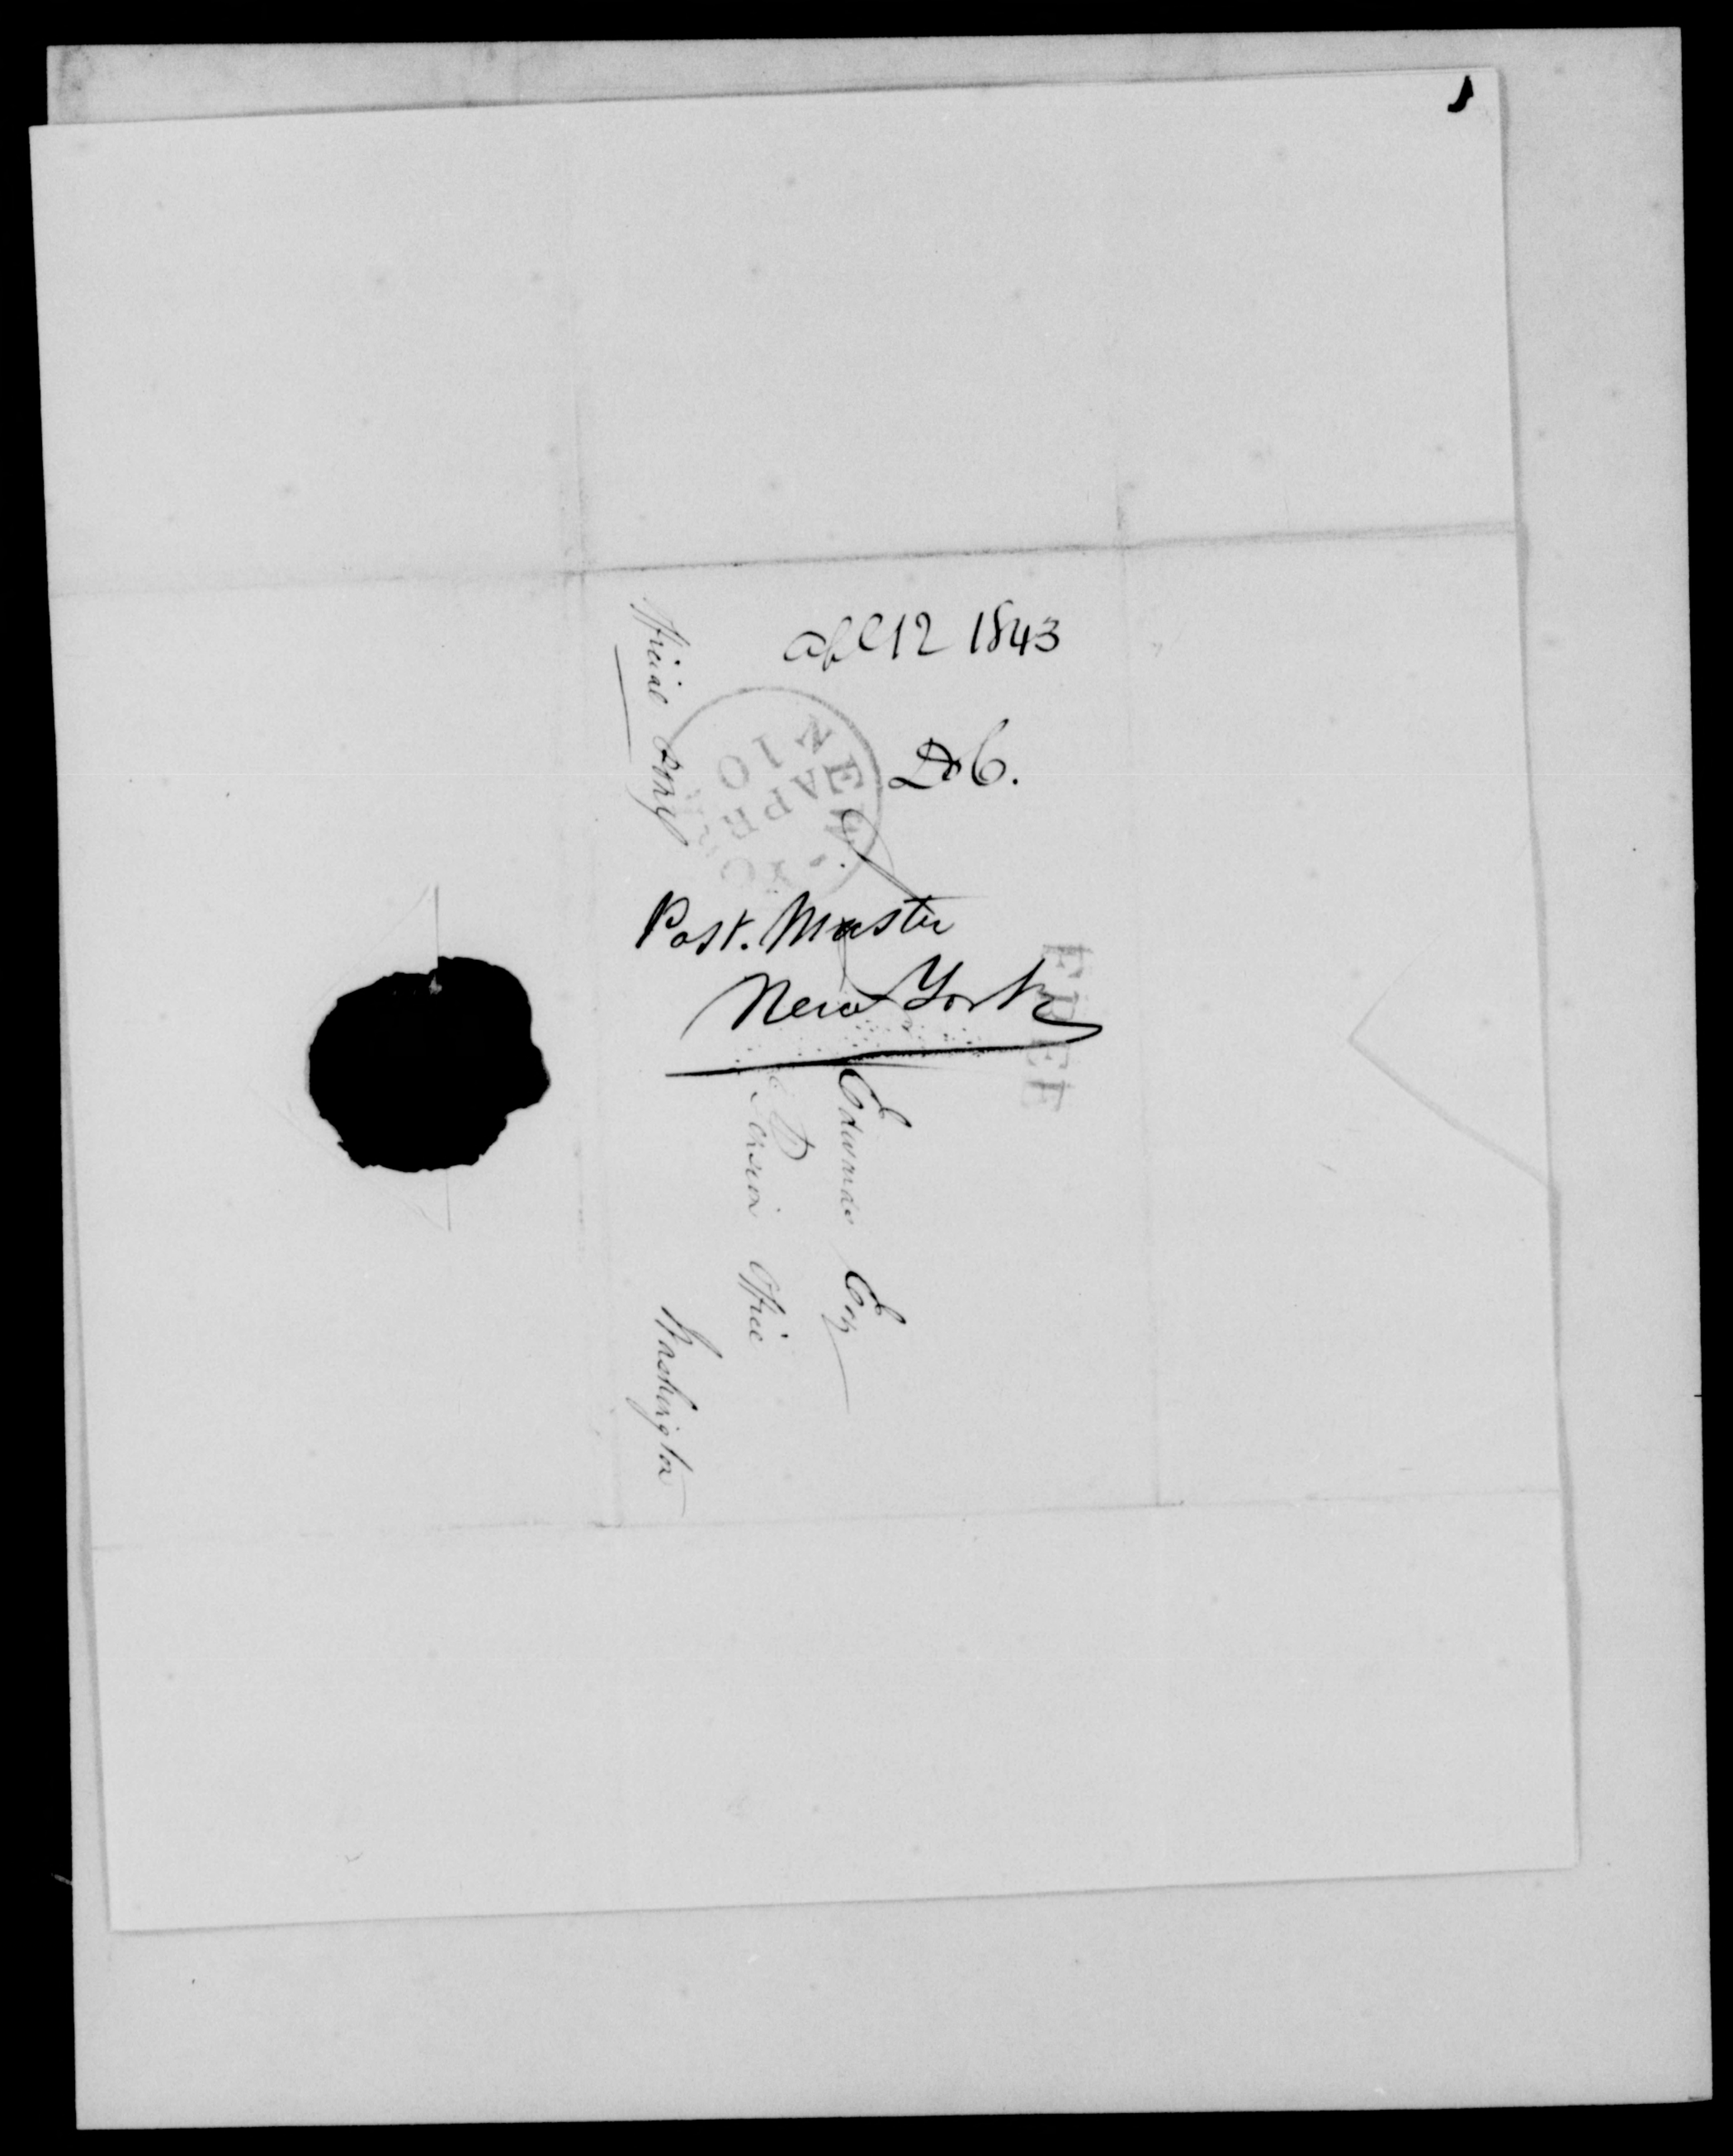abl(apl?)12 1843
D.C.

Post. Master
New York     (stamped- FREE)

(postal stamp-NEW YORK
APR 10)

official  PONY

Edwards Esq
Pension Office
Washington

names: J L Edwards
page: 36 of 51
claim: widow's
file: W. 19604, Myndert B Wemple, New York